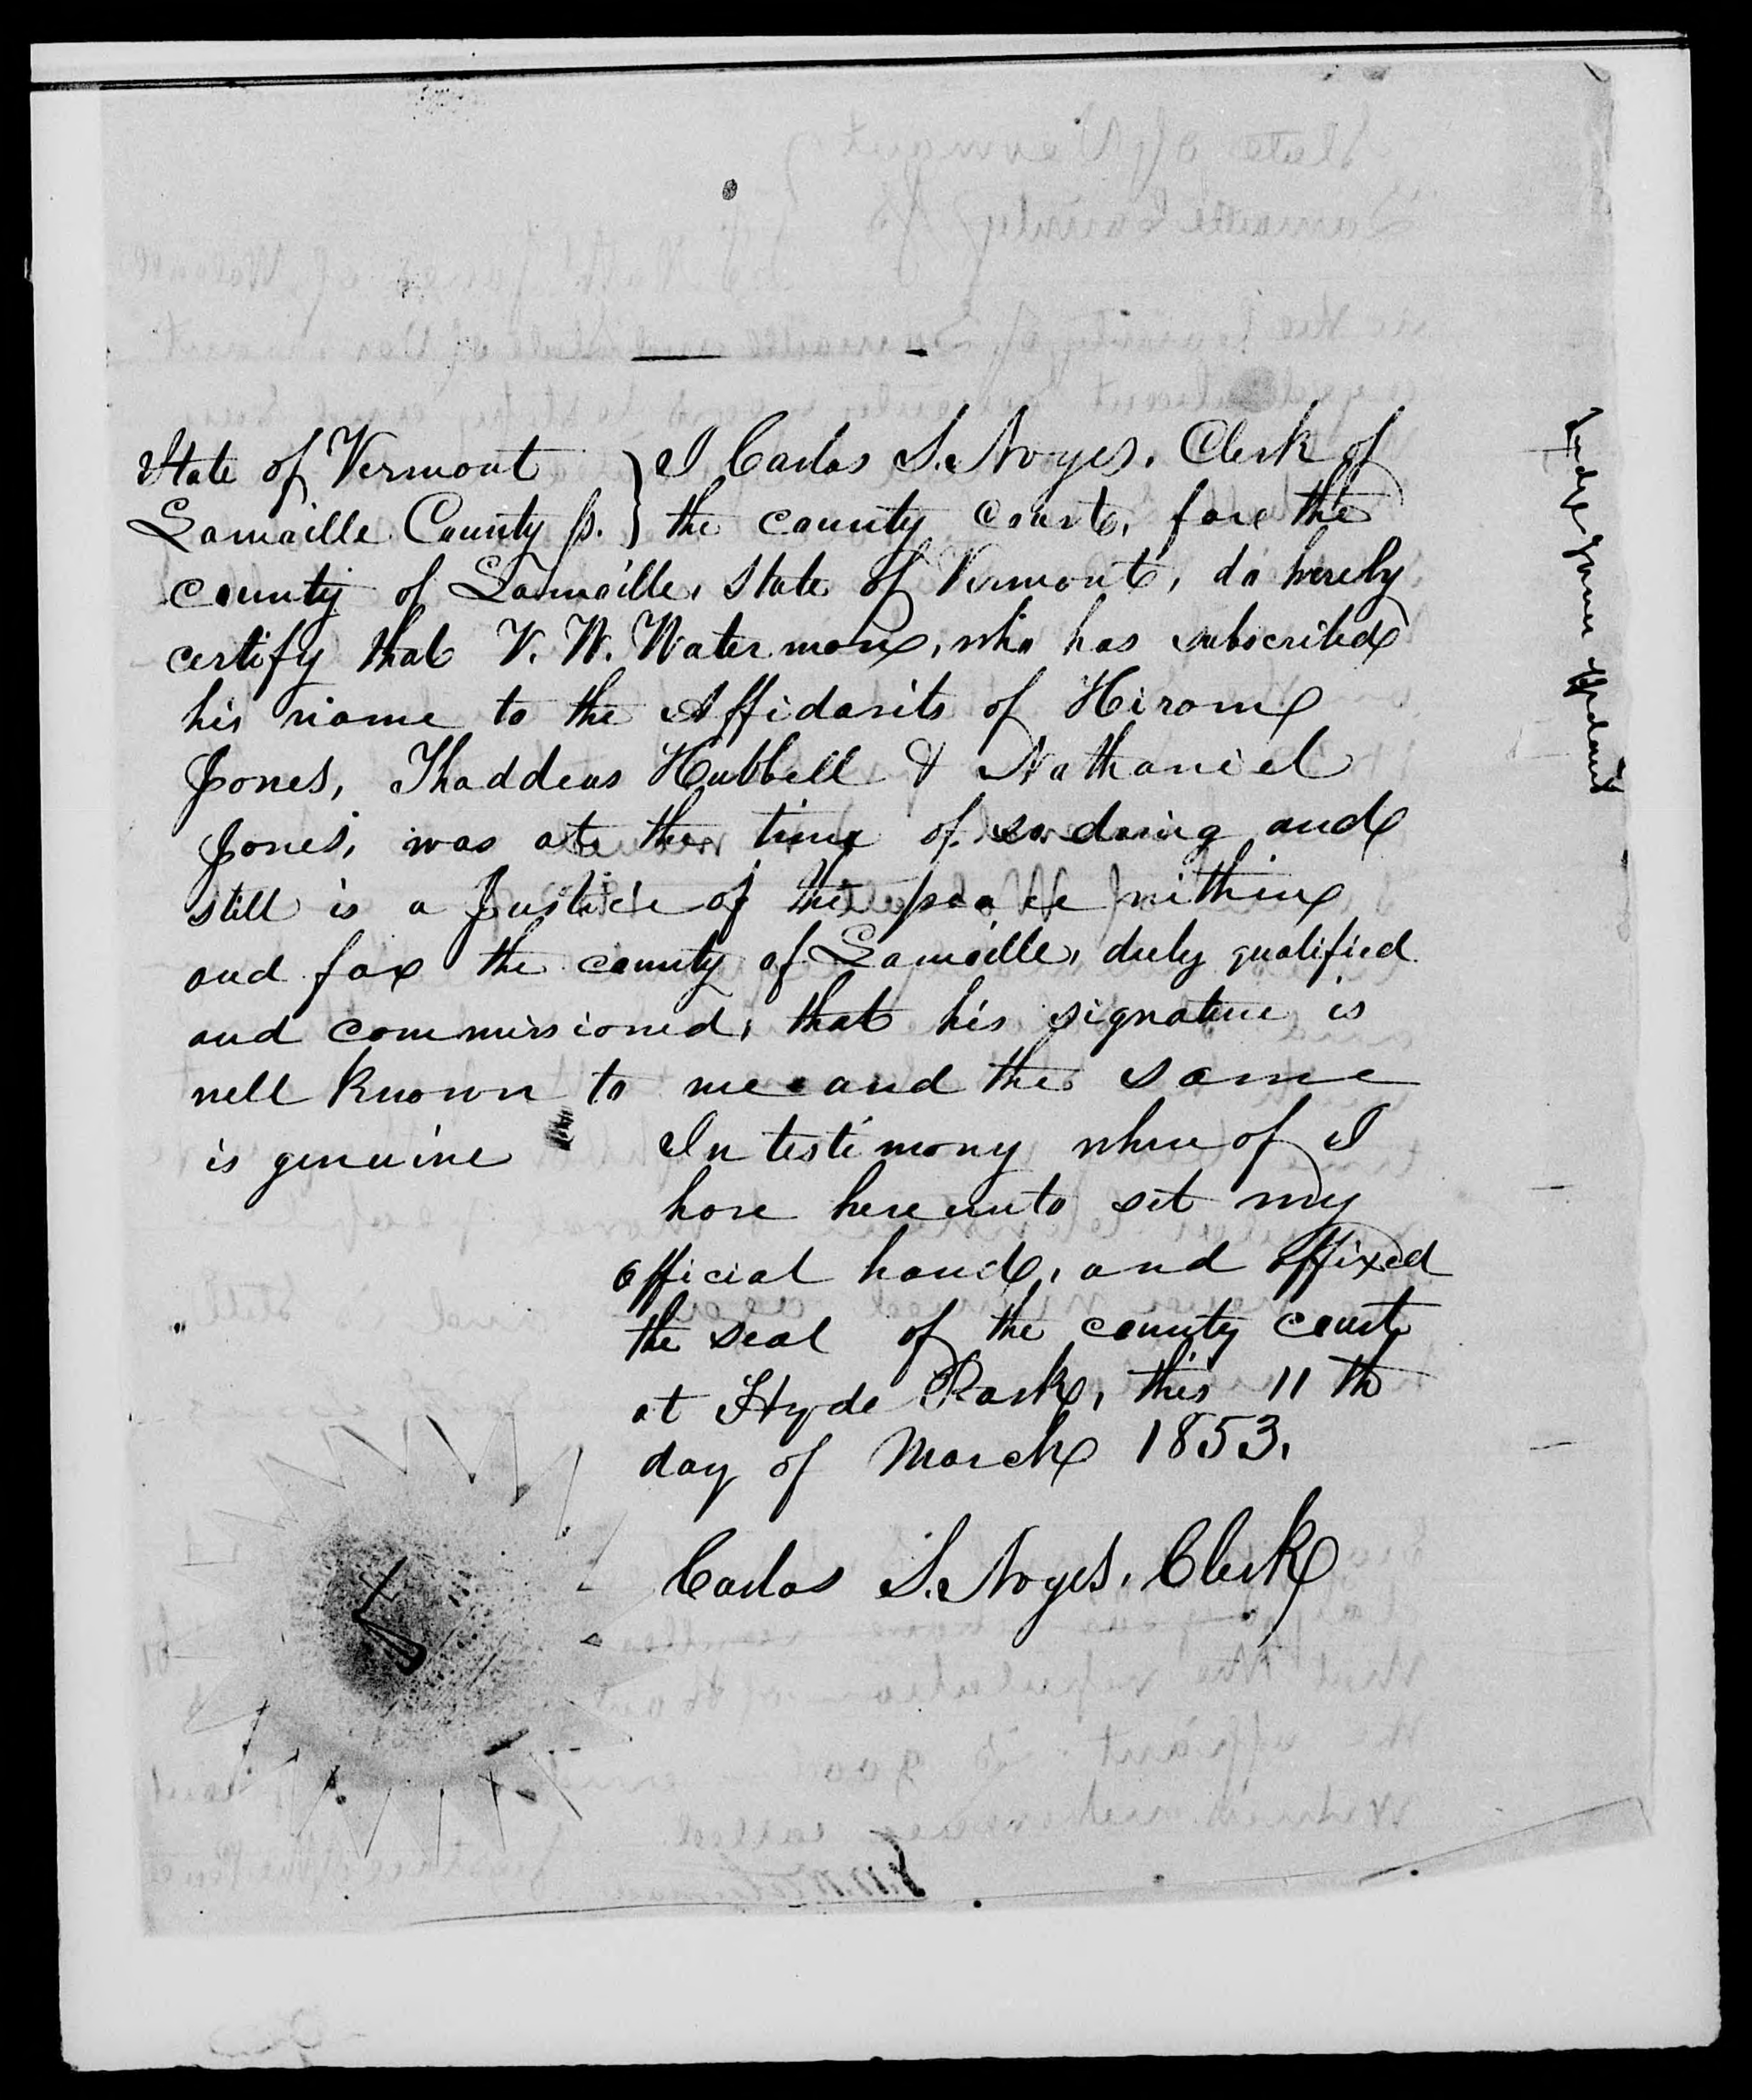State of Vermont   }
Lamoille Count ss. } I Carlos S. Noyes, Clerk of the county court, for the count of Lamoille, state of Vermont, do hereby certify that V.W. Waterman, who has subscribed his name to the Affidavit of Hiram Jones, Thaddeus Hubbell & Nathaniel Jones, was at the time of sending and still is a Justice of the peace within and for the county of Lamoille, duly qualified and commissioned, that his signature is well known to me and the same is genuine. 
In testimony whereof I have hereunto set my official hand, and affixed the seal of the county court at Hyde Park, this 11th day of March 1853, 
Carlos S. Noyes, Clerk

[seal on bottom left of page]
[illegible writing sideways down the right side]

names: Carlos S Noyes, Hiram Jones, Nathaniel Jones, Thaddeus Hubbell, V W Waterman, Jones Hedand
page: 29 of 114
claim: widow's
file: W. 2115, Seth Hubbell, Conn.